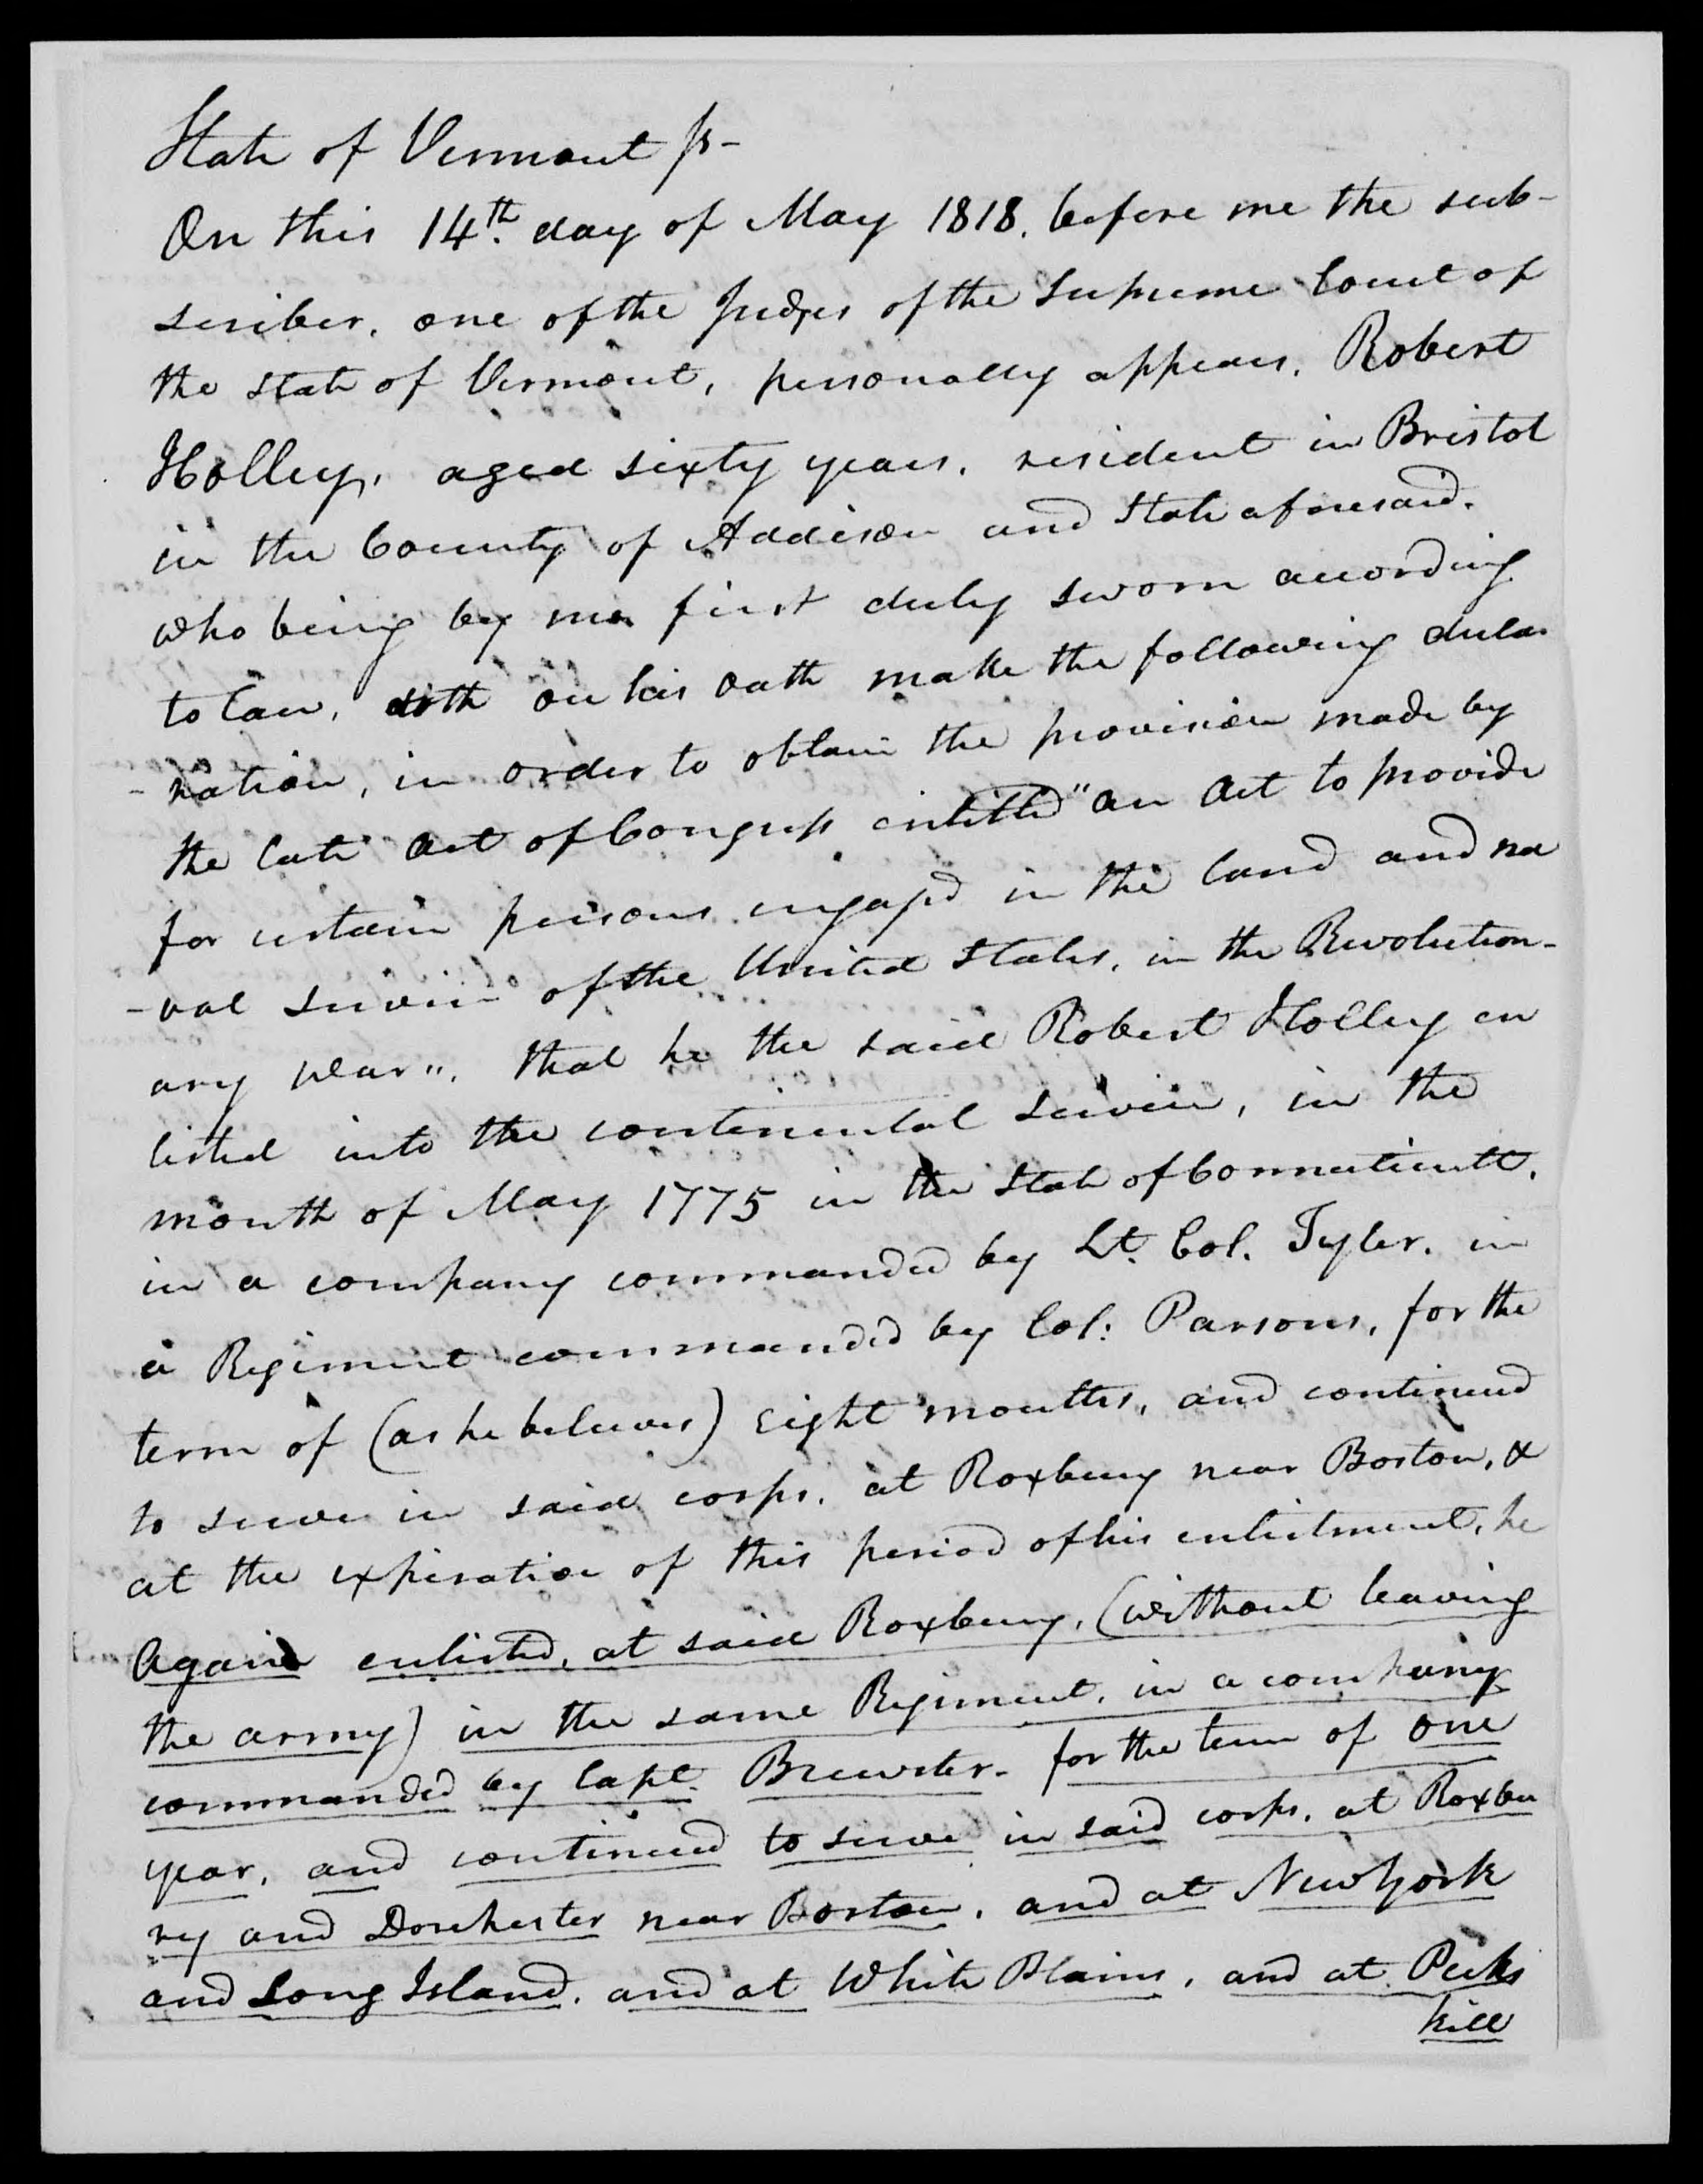State of Vermont
On this 14th day of May 1818 before me the subscriber
one of the Judges of the Supreme Court of
the State of Vermont, personally appears, Robert
Holley, aged sixty years, resident in Bristol
in the County of Addison and State aforesaid
who being by me first duly sworn according to
law, doth on his oath make the following declaration 
in order to obtain the provision made by
the late act of Congress entitled "an act to provide
for certain persons engaged in the land and naval 
service of the United States in the Revolutionary 
war", that he the said Robert Holley 
enlisted into the continental service, in the
month of May 1775 in the State of Connecticut
in a company commanded by Lt. Col. Tyler in
Regiment commanded by Col. Parsons, for the
term of (as he believes) Eight months, and continued
to serve in said corps, at Roxbury near Boston &
at the expiration of this period of his enlistment he
again enlisted at said Roxbury. (without leaving the army) 
in the same Regiment, in a company
commanded by Capt. Brewster for the term of one year
and continued to serve in said corps at Roxbury
and Dorchester near Boston, and at New York and
Long Island, and at White Plains, and at Peekskill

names: Parsons, Robert Holley, Brewster, Robert Holley, Tyler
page: 45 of 62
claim: widow's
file: W. 21391, Robert Holley, Conn.